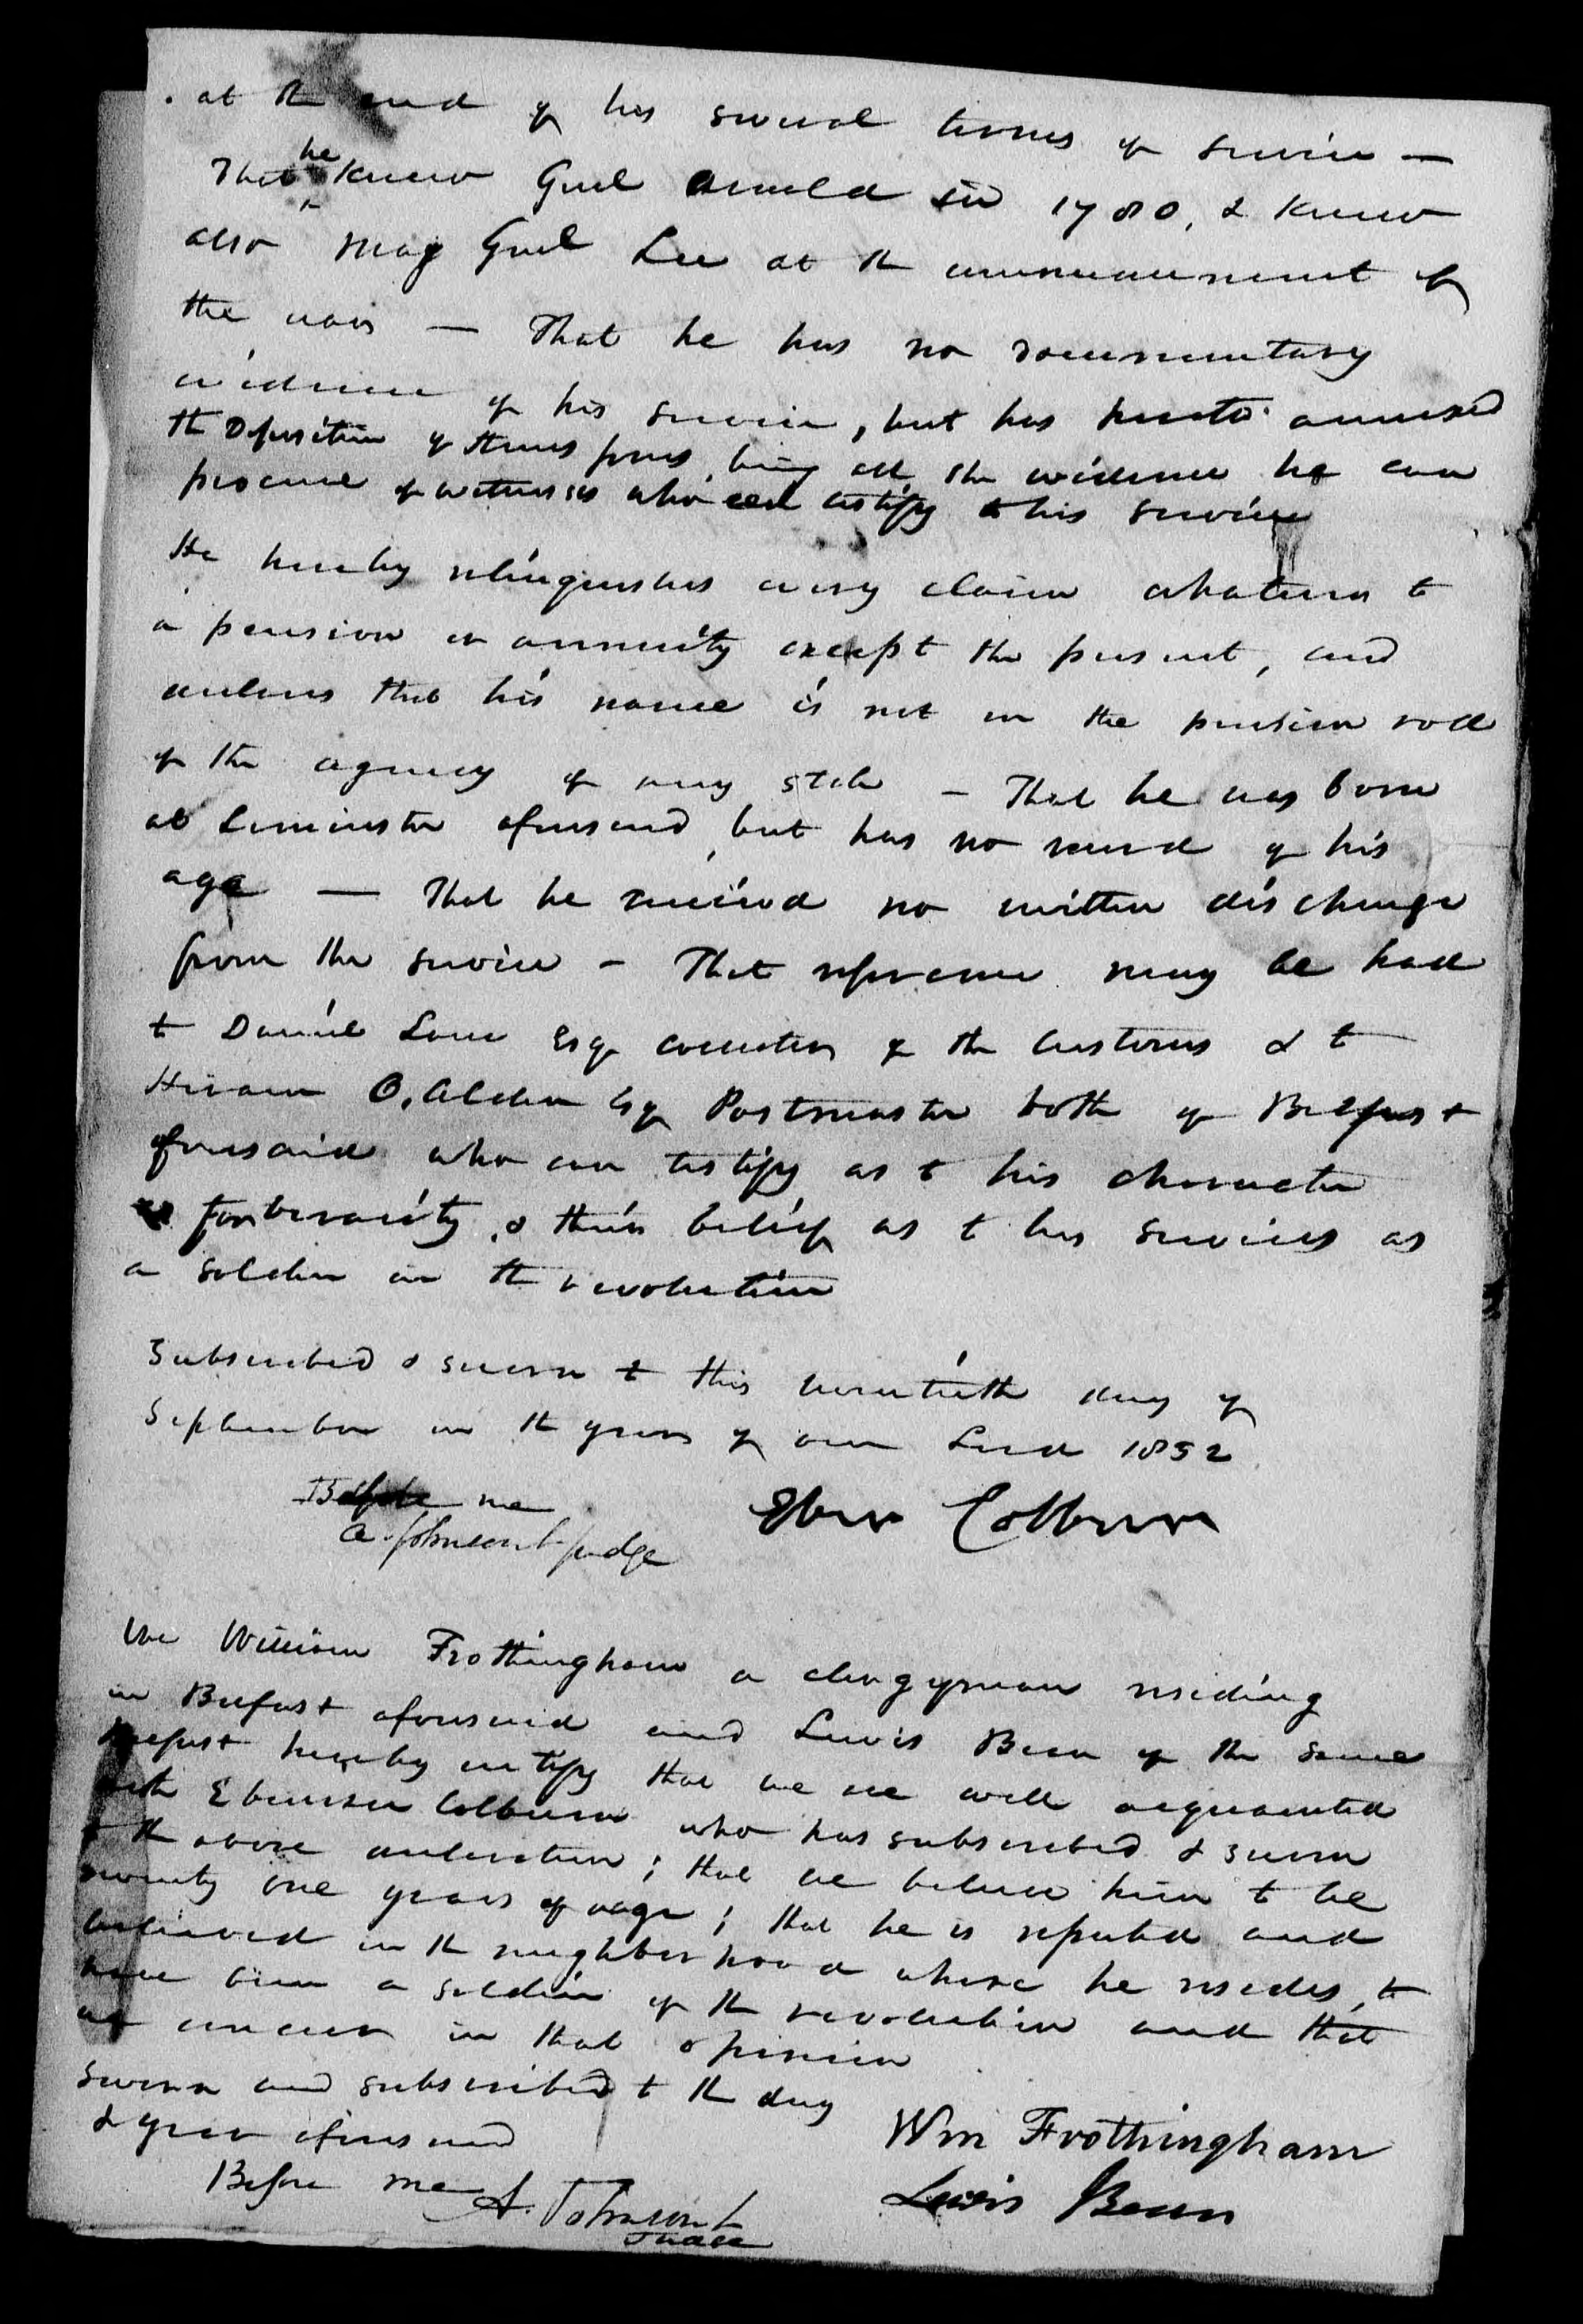at [illegible]
this several terms of service
he knew Maj Genl Lee at the commencement of
the war
That he has no documentary evidence
of his service, but has hereto annexed
Deposition of times [illegible] all the will he can
procure of witnesses above testify to his service
He hereby relinquishes every claim whatever to
a pension or annuity except the present, and
unless that his name is not in the pension roll
of the agency of any state
That he was born
a Loeminster aforesaid but has no record of his age - 
That he received no written discharge
from the service - That [illegible] may be had
to Daniel Lous Esq [illegible] of the Customs & to
Hiram C. Allen of Postmaster both of us
foresaid who can testify as to his character
for veracity & their belief as to his services as a
soldier in the revolution
Subscribed & sworn to this twentieth day of
September in the year of our Lord 1852
Eber Colburn
Johnson Judge

We William Frothingham
in Belfast aforesaid and Lewis Bean of the same Belfast hereby certify that we are well acquainted with Ebenezer Colburn who has subscribed & sworn to the above declaration that we believe him to be seventy one years of age; that he is reputed and believed in the neighborhood where he resides to
have been a soldier of the revolution and that
we cuncur in that opinion
Sworn and subscribed to the day
year aforesaid
Wm Frothingham
Lewis Bean
Before me A Johnson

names: Lewis Bean, A Johnson, Wm Frothingham, Lewis Bean, A Johnson, Ebenezer Colburn, Hiram O Alden, Lee, Arnold, William Frothingham, Ebnr Colburn, Daniel Lous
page: 7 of 10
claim: survivor's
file: S. 29083, Ebenezer Colburn, Mass.